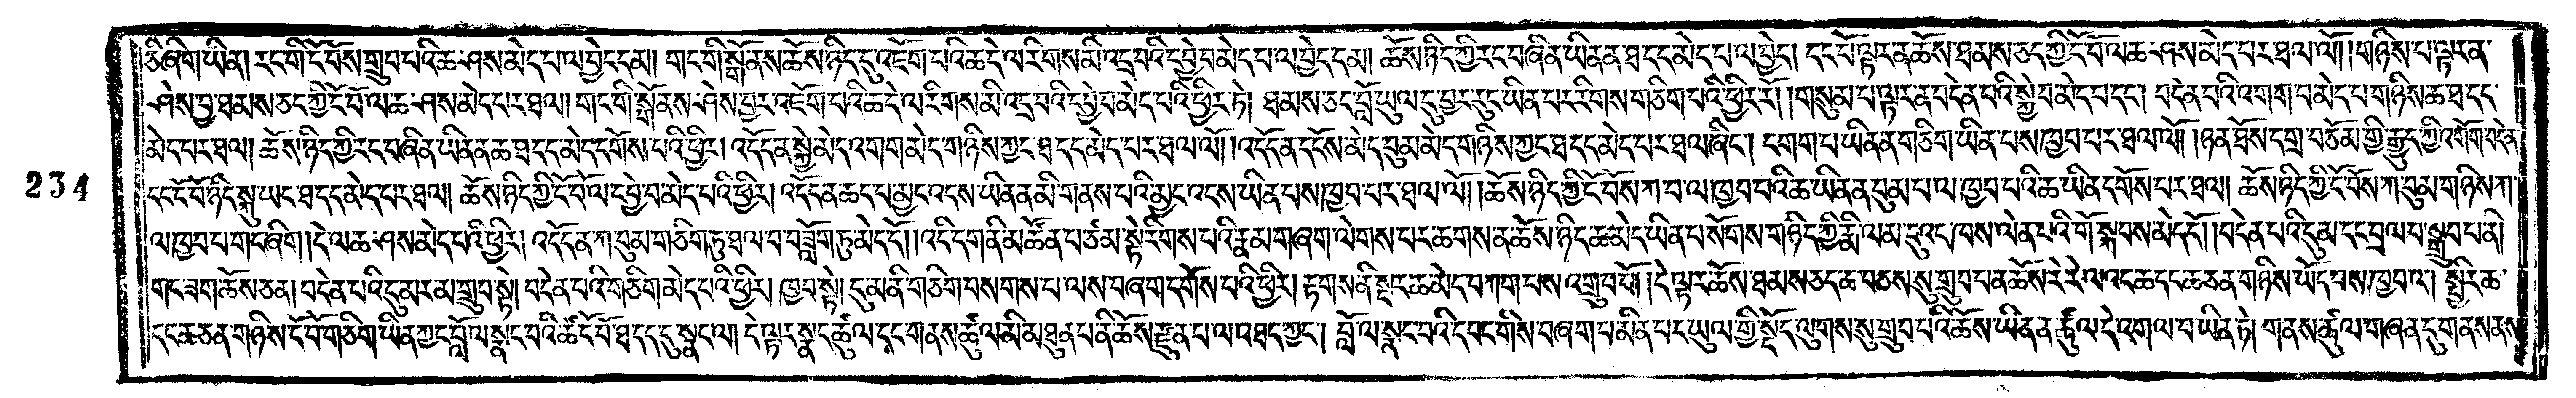ཅི་ཞིག་ཡིན། རང་གི་ངོ་བོས་གྲུབ་པའི་ཆ་ཤས་མེད་པ་ལ་བྱེད་དམ། གང་གི་སྒོ་ནས་ཆོས་ཉིད་དུ་འཇོག་པའི་ཆ་དེ་ལ་རིགས་མི་འདྲ་བའི་དབྱེ་བ་མེད་པ་ལ་བྱེད་དམ། ཆོས་ཉིད་ཀྱི་རང་བཞིན་ཡིན་ན་ཐ་དད་མེད་པ་ལ་བྱེད། དང་པོ་ལྟར་ན་ཆོས་ཐམས་ཅད་ཀྱི་ངོ་བོ་ལ་ཆ་ཤས་མེད་པར་ཐལ་ལོ། །གཉིས་པ་ལྟར་ན་
ཤེས་བྱ་ཐམས་ཅད་ཀྱི་ངོ་བོ་ལ་ཆ་ཤས་མེད་པར་ཐལ། གང་གི་སྒོ་ནས་ཤེས་བྱར་འཇོག་བའི་ཆ་དེ་ལ་རིགས་མི་འདྲ་བའི་དབྱེ་བ་མེད་པའི་ཕྱིར་ཏེ། ཐམས་ཅད་བློ་ཡུལ་དུ་བྱར་རུང་ཡིན་པར་རིགས་གཅིག་པའི་ཕྱིར་རོ། །གསུམ་པ་ལྟར་ན་བདེན་པའི་སྐྱེ་བ་མེད་པ་དང་། བདེན་པའི་འགག་པ་མེད་པ་གཉིས་ཆ་ཐ་དད་
མེད་པར་ཐལ། ཆོས་ཉིད་ཀྱི་རང་བཞིན་ཡིན་ན་ཆ་ཐ་དད་མེད་དགོས་པའི་ཕྱིར། འདོད་ན་སྐྱེ་མེད་འགག་མེད་གཉིས་ཀྱང་ཐ་དད་མེད་པར་ཐལ་ལོ། །འདོད་ན་དངོས་མེད་བུམ་མེད་གཉིས་ཀྱང་ཐ་དད་མེད་པར་ཐལ་ཞིང་། དགག་པ་ཡིན་ན་གཅིག་ཡིན་པས་ཁྱབ་པར་ཐལ་ལོ། །ཉན་ཐོས་དགྲ་བཅོམ་གྱི་རྒྱུད་ཀྱི་འགོག་བདེན་
དང་ངོ་བོ་ཉིད་སྐུ་ཡང་ཐ་དད་མེད་པར་ཐལ། ཆོས་ཉིད་ཀྱི་ངོ་བོ་ལ་དབྱེ་བ་མེད་པའི་ཕྱིར། འདོད་ན་ཆད་པ་མྱང་འདས་ཡིན་ན་མི་གནས་པའི་མྱང་འདས་ཡིན་པས་ཁྱབ་པར་ཐལ་ལོ། །ཆོས་ཉིད་ཀྱི་ངོ་བོས་ཀ་བ་ལ་ཁྱབ་པའི་ཆ་ཡིན་ན་བུམ་པ་ལ་ཁྱབ་པའི་ཆ་ཡིན་དགོས་པར་ཐལ། ཆོས་ཉིད་ཀྱི་ངོ་བོས་ཀ་བུམ་གཉིས་ཀ་
ལ་ཁྱབ་པ་གང་ཞིག །དེ་ལ་ཆ་ཤས་མེད་པའི་ཕྱིར། འདོད་ན་ཀ་བུམ་གཅིག་ཏུ་ཐལ་བ་བཟློག་ཏུ་མེད་དོ། །འདི་དག་ནི་མཚོན་བ་ཙམ་སྟེ་རིགས་པའི་རྣམ་གཞག་ལེགས་པར་ཆགས་ན་ཆོས་ཉིད་ཆ་མེད་ཡིན་པ་སོགས་གཉིད་ཀྱི་རྨི་ལམ་དུའང་ཁས་ལེན་པའི་གོ་སྐབས་མེད་དོ། །བདེན་པའི་དུམ་དང་བྲལ་བ་སྒྲུབ་པ་ནི།
གང་ཟག་ཆོས་ཅན། བདེན་པའི་དུ་མར་མ་གྲུབ་སྟེ། བདེན་པའི་གཅིག་མེད་པའི་ཕྱིར། ཁྱབ་སྟེ། དུ་མ་ནི་གཅིག་བསགས་པ་ལས་བཞག་དགོས་པའི་ཕྱིར། རྟགས་ནི་སྔར་ཆ་མེད་བཀག་པས་འགྲུབ་བོ། །དེ་ལྟར་ཆོས་ཐམས་ཅད་ཆ་བཅས་སུ་གྲུབ་པན་ཆོས་རེ་རེ་ལའང་ཆ་དང་ཆ་ཅན་གཉིས་ཡོད་པས་ཁྱབ་ལ། སྤྱིར་ཆ་
དང་ཆ་ཅན་གཉིས་ངོ་བོ་གཅིག་ཡིན་ཀྱང་བློ་ལ་སྨད་བའི་ཚེ་?་ངོ་བོ་ཐ་དད་དུ་སྣང་ལ། དེ་ལྟར་སྣང་ཚུལ་དང་གནས་ཚུལ་མི་མཐུན་པ་ནི་ཆོས་རྫུན་པ་ལ་འཐད་ཀྱང་། བློ་ལ་སྣང་བའི་དབང་གིས་བཞག་པ་མིན་པར་ཡུལ་གྱི་སྡོད་ལུགས་སུ་གྲུབ་པའི་ཆོས་ཡིན་ན་ཚུལ་དེ་འགལ་བ་ཡིན་ཏེ། གནས་ཚུལ་གཞན་དུ་གནས་ནས་